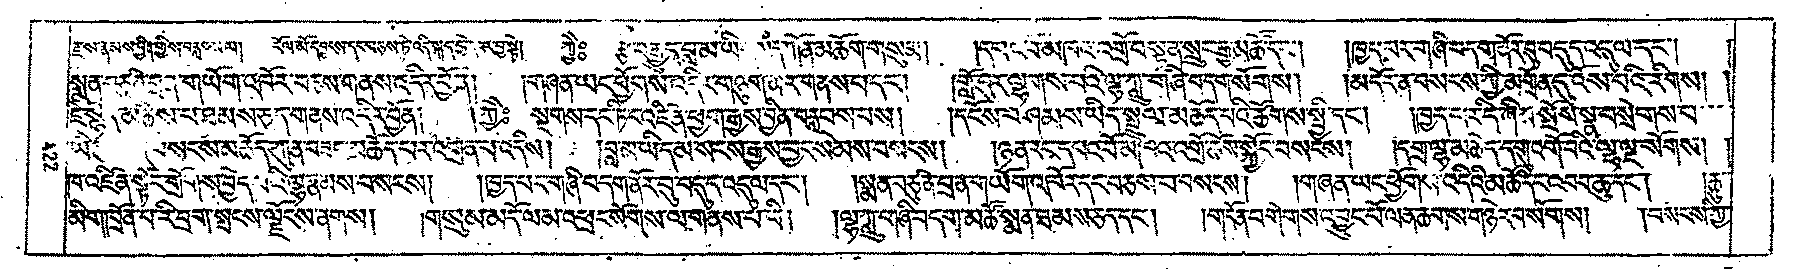རྫས་རྣམས་བྱིན་གྱིས་བརླབས་ལ། རོལ་མོ་དབྱངས་དང་བཅས་ཏེ་འདི་སྐད་གྱེར?་བར་བྱ་སྟེ། ཀྱཻཿ རྩ་བརྒྱུད་བླ་མ་ཡི་དམ་དཀོན་མཆོག་གསུམ། །དཔའ་བོ་མཁའ་འགྲོ་བསྟན་སྲུང་རྒྱ་མཚོ་དང་། །ཁྱད་པར་གཞི་བདག་ནོར་བུ་བདུད་འདུལ་དང་། །
སྨན་བཙུན་བྲན་གཡོག་འཁོར་བཅས་གནས་འདིར་བྱོན། །གཞན་ཡང་ཕྱོགས་འདིར་གཉུག་མར་གནས་པ་དང་། །གློ་བུར་ལྷགས་པའི་ལྷ་ཀླུ་གཞི་བདག་སོགས། །མདོར་ན་བསངས་ཀྱི་མགྲོན་དུ་འོས་པའི་རིགས། །
ཇི་སྙེད་མཆིས་པ་ཐམས་ཅད་གནས་འདིར་བྱོན། །ཀྱཻཿ སྔགས་དང་ཏིང་འཛིན་ཕྱག་རྒྱས་བྱིན་བརླབས་པས། །དངོས་བཤམས་ཡིད་སྤྲུལ་མཆོད་པའི་ཚོགས་སྤྱི་དང་། །ཁྱད་པར་དྲི་ཞིམ་སྤོས་སྣ་བསྲེགས་པ་
ཡི། །བསངས་མཆོད་ཀུན་བཟང་མཆོད་པར་འགྲན་པ་འདིས། །བླ་མ་ཡི་དམ་སངས་རྒྱས་བྱང་སེམས་བསངས། །ཉན་རང་དཔའ་བོ་མཁའ་འགྲོ་ཆོས་སྐྱོང་བསངས། །དགྲ་ལྷ་མཆེད་དགུ་འགོ་བའི་ལྷ་ལྔ་སོགས། །
ཁ་འཛིན་སྟོང་གྲོགས་བྱེད་པའི་ལྷ་རྣམས་བསངས། །ཁྱད་པར་གཞི་བདག་ནོར་བུ་བདུད་འདུལ་དང་། །སྨན་བཙུན་བྲན་གཡོག་འཁོར་དང་བཅས་པ་བསངས། །གཞན་ཡང་ཕྱོགས་འདིའི་མཚོ་དང་འབབ་ཆུ་དང་། །ཆུ་
མིག་ཁྲོན་པ་རི་བྲག་སྤངས་ལྗོངས་ནགས། །གསུམ་མདོ་ལམ་འཕྲང་སོགས་ལ་གནས་པ་ཡི། །ལྷ་ཀླུ་གཞི་བདག་མཚོ་སྨན་ཐམས་ཅད་དང་། །གདོན་བགེགས་འབྱུང་པོ་ལན་ཆགས་གཉེར་བ་སོགས། །བསངས་ཀྱི་